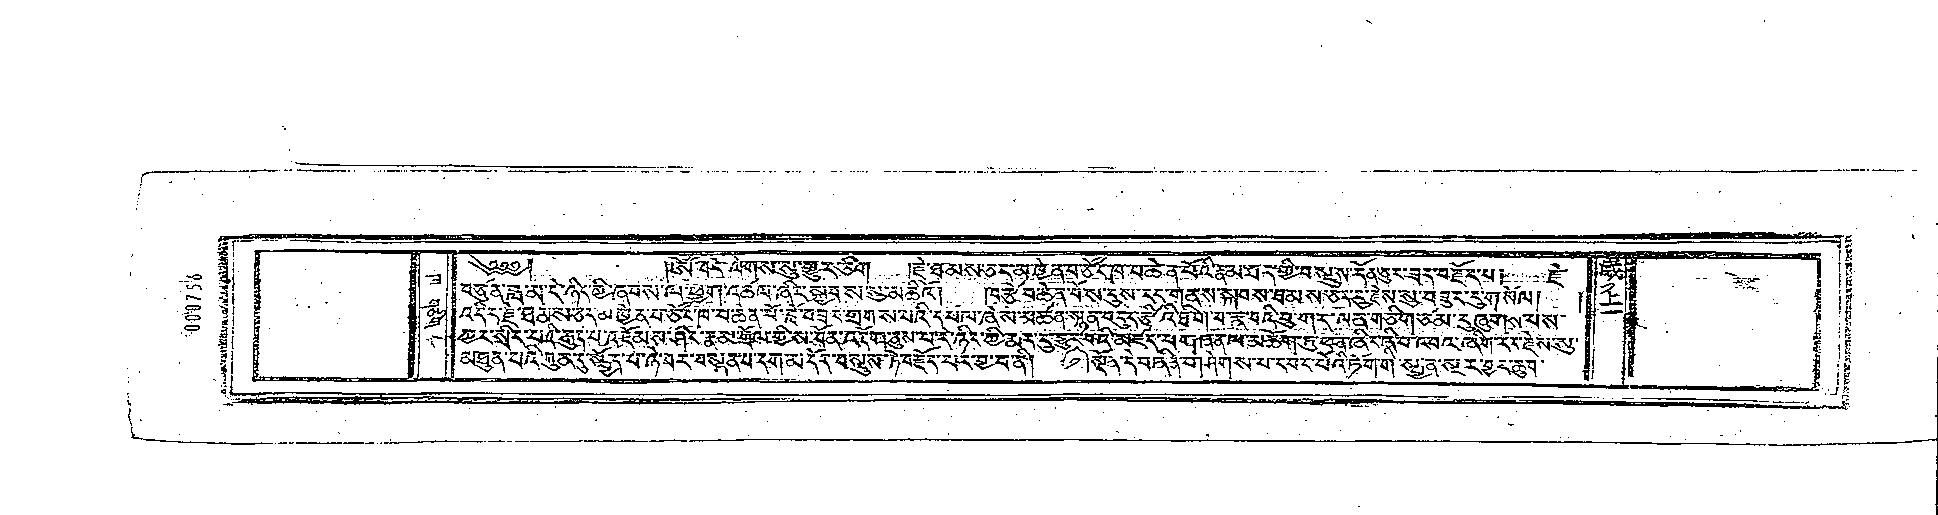བཙུན་བླ་མ་དེ་ཉིད་ཀྱི་ཞབས་ལ་ཕྱག་འཚལ་ཞིང་སྐྱབས་སུ་མཆིའོ། །བརྩེ་བ་ཆེན་པོས་དུས་དང་གནས་སྐབས་ཐམས་ཅད་དུ་རྗེས་སུ་བཟུང་དུ་གསོལ། །
འདིར་རྗེ་ཐམས་ཅད་མཁྱེན་པ་ཙོང་ཁ་པ་ཆེན་པོ་བློ་བཟང་གྲགས་པའི་དཔལ་ཞེས་མཚན་སྙན་བདུད་རྩིའི་ཐེག་པ་རྣ་བའི་བུ་གར་ལན་གཅིག་ཙམ་དུ་ཞུགས་པས་
ཀྱང་སྲིད་པའི་རྒུད་པ་འཇོམས་ཤིང་རྣམ་གྲོལ་གྱིས་བོན་འདོག་ནུས་པ་དེ་ཉིད་ཀྱི་རྨད་དུ་བྱུང་བའི་མཛད་པ་གཞན་ལ་མཆོག་ཏུ་ཕན་ཞིང་ཞིབ་འབའ་ཞིག་དང་རྗེས་སུ་
མཐུན་པའི་ཀུན་དུ་སྤྱོད་པ་ཉེ་བར་བསྟན་པ་དག་མདོར་བསྡུས་ཏེ་བརྗོད་པར་བྱ་བ་ནི། ༡?་སྔོན་དེ་བཞིན་གཤེགས་པ་དབང་པོའི་ཏོག་གི་སྤྱན་སྔར་བྱང་ཆུབ་